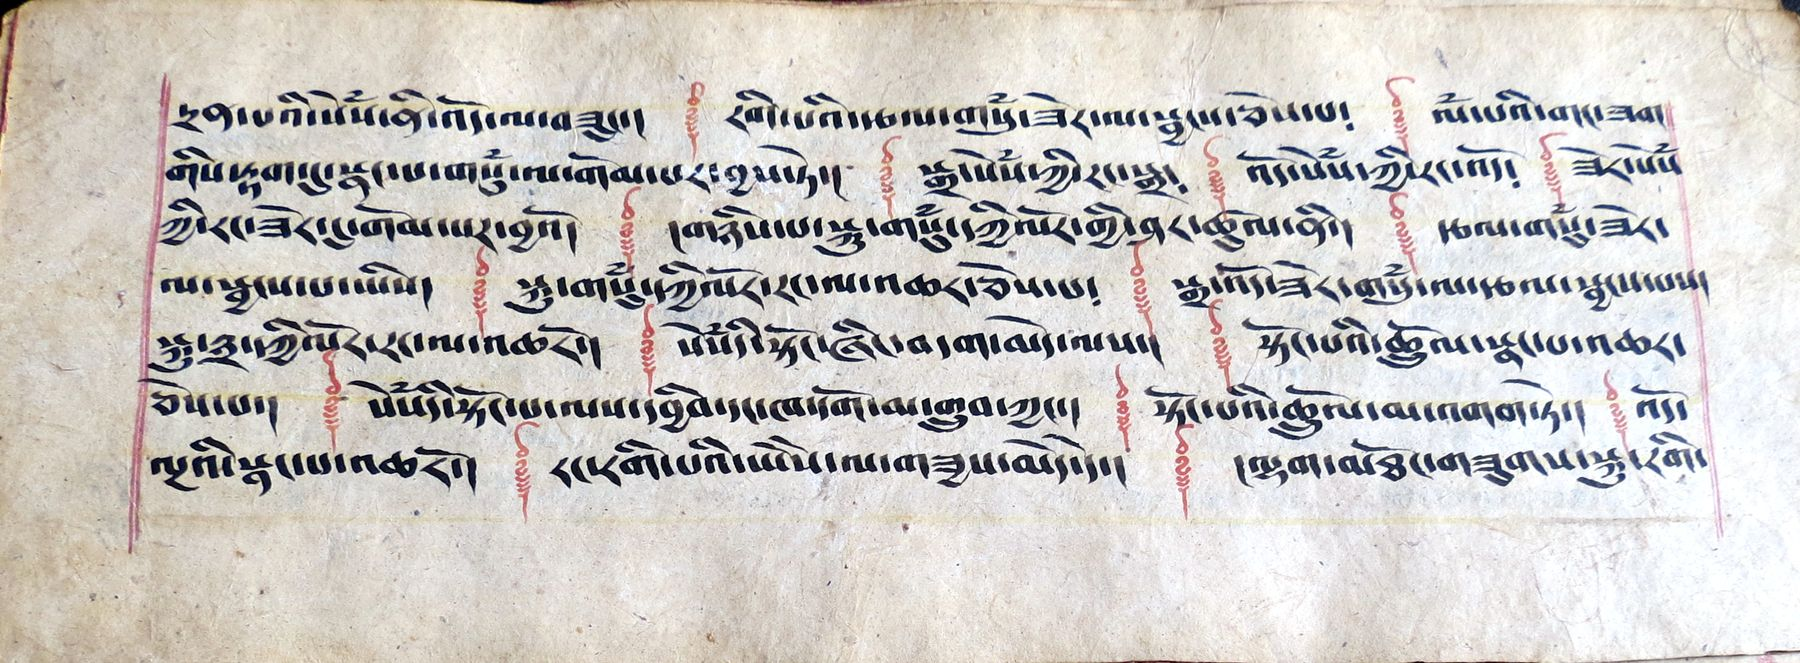དྲན་པའི་སེམས་ནི་འོད་ལ་བཟུང་། རིག་པའི་རྩལ་གསུམ་ཟེར་ལ་སྦྱང་། །ཞེས་པས། ལམ་པའི་གང་ཟག་
གིས་རྟག་ཏུ་སྣང་བ་གསུམ་ལ་གོམས་པར་བྱས་ཏེ། སྒྲ་སེམས་ཀྱི་རང་སྒྲ། འོད་སེམས་ཀྱི་རང་འོད། ཟེར་སེམས་
ཀྱི་རང་ཟེར་དུ་གོམས་པར་བྱའོ། །གཉིས་པ་སྐུ་གསུམ་དཀྱིལ་འཁོར་གྱི་ཤར་ཚུལ་ནི། རྩལ་གསུམ་ཟེར་
ལ་སྦྱང་པ་ཡིས། སྐུ་གསུམ་དཀྱིལ་འཁོར་རང་ལ་འཆར། །ཞེས་པས། སྒྲ་འོད་ཟེར་གསུམ་ལ་རྩལ་སྦྱང་པས། 
སྐུ་གསུམ་དཀྱིལ་འཁོར་རང་ལ་རང་འཆར་རོ། །སེམས་ཉིད་སྟོང་ཞིང་བདག་མེད་ལས། སྟོང་པའི་ཆོ་འཕྲུལ་སྣང་བ་འཆར་
ཞེས་པས། སེམས་ཉིད་སྟོང་པ་ལ་དབྱིབས་དང་ཁ་དོག་མ་གྲུབ་ཀྱང་། སྟོང་པའི་ཆོ་འཕྲུལ་མ་འགགས་ཏེ། འོད་
ལྔའི་སྣང་བ་འཆར་རོ། །རང་རིག་པའི་ཡེ་ཤེས་ལ་གཟུགས་མེད་དེ། ལྷག་མཐོང་གཟུགས་སྐུ་རིག་